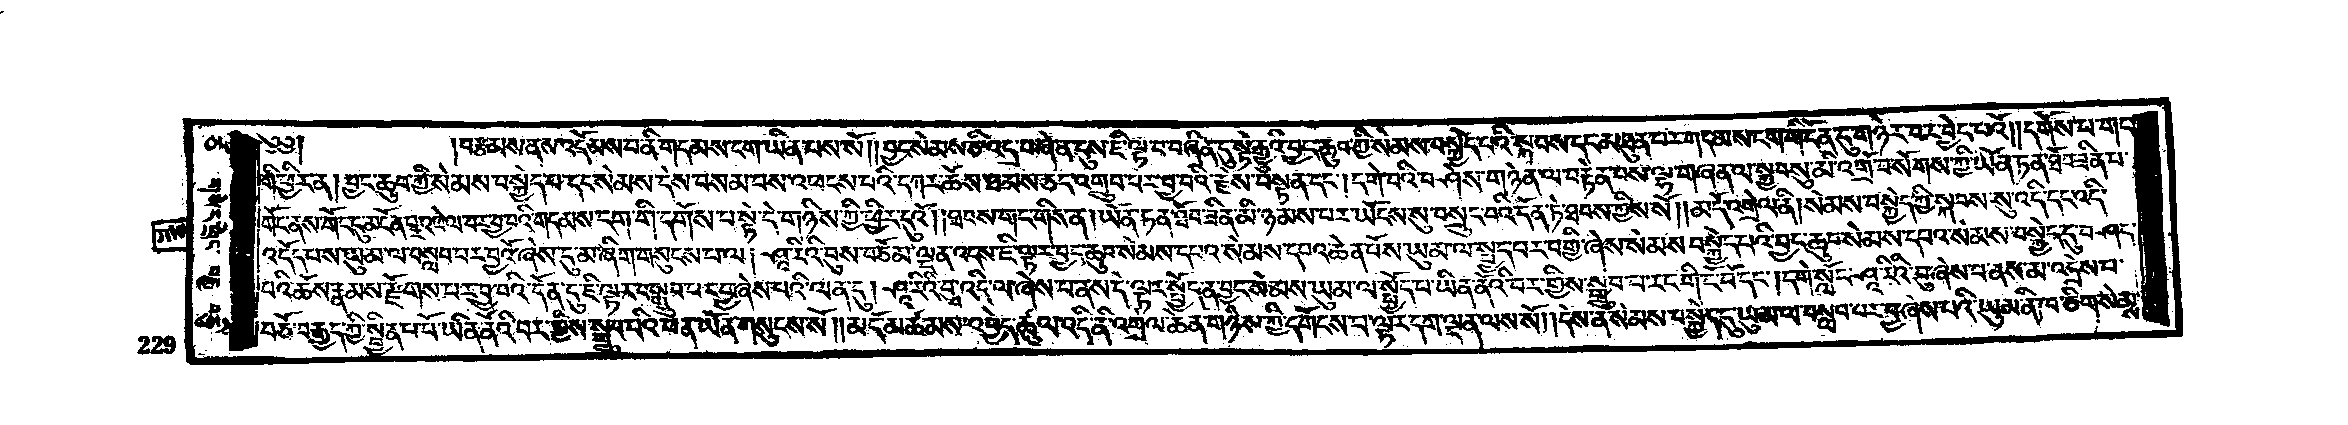༄༅། །བརྩམས་ནས་འདོམས་པ་ནི་གདམས་ངག་ཡིན་པས་སོ། །བྱང་སེམས་ཅི་འདྲ་བ་ཞེ་ན་དུས་ཇི་ལྟ་བ་བཞིན་དུ་སྟེ་རྒྱུའི་བྱང་ཆུབ་ཀྱི་སེམས་བསྐྱེད་པའི་སྐབས་དང་མཐུན་པར་གདམས་ངག་གི་དོན་དུ་གཉེར་བར་བྱེད་པའོ། །དགོས་པ་གང་
གི་ཕྱིར་ན། བྱང་ཆུབ་ཀྱི་སེམས་བསྐྱེད་པ་དང་སེམས་དེས་བསམ་པས་འཕངས་པའི་དཀར་ཆོས་ཐམས་ཅད་འགྲུབ་པར་བྱ་བའི་རྗེས་བསྟན་དང་། དགེ་བའི་བཤེས་གཉེན་ལ་བརྟེན་པས་ལྷ་གཞན་ལ་སྐྱབས་སུ་མི་འགྲོ་བ་སོགས་ཀྱི་ཡོན་ཏན་ཐོབ་ཟིན་པ་
གོང་ནས་གོང་དུ་མངོན་པར་འཕེལ་བར་བྱ་བའི་གདམས་ངག་གི་དགོས་པ་སྟེ་དེ་གཉིས་ཀྱི་ཕྱིར་དུའོ། །ཐབས་གང་གིས་ན། ཡོན་ཏན་ཐོབ་ཟིན་མི་ཉམས་པར་ཡོངས་སུ་བསྲུང་བའི་དོན་ཏེ་ཐབས་ཀྱིས་སོ། །མདོ་འགྲེལ་ནི། སེམས་བསྐྱེད་ཀྱི་སྐབས་སུ་འདི་དང་འདི་
འདོད་པས་ཡུམ་ལ་བསླབ་པར་བྱའོ་ཞེས་དུ་མ་ཞིག་གསུངས་པ་ལ། ཤཱ་རིའི་བུས་བཅོམ་ལྡན་འདས་ཇི་ལྟར་བྱང་ཆུབ་སེམས་དཔའ་སེམས་དཔའ་ཆེན་པོས་ཡུམ་ལ་སྤྱད་པར་བགྱི་ཞེས་སེམས་བསྐྱེད་པའི་བྱང་ཆུབ་སེམས་དཔའ་སེམས་བསྐྱེད་དུ་བཤད་
པའི་ཆོས་རྣམས་རྫོགས་པར་བྱ་བའི་དོན་དུ་ཇི་ལྟར་བསྒྲུབ་པར་བྱ་ཞེས་པའི་ལན་དུ། ཤཱ་རིའི་བུ་འདི་ལ་ཞེས་པ་ནས་དེ་ལྟར་སྤྱོད་ན་བྱང་སེམས་ཡུམ་ལ་སྤྱོད་པ་ཡིན་ནོའི་བར་གྱིས་སྒྲུབ་པ་རང་གི་ངོ་བོ་དང་། དགེ་སློང་ཤཱ་རིའི་བུ་ཞེས་པ་ནས་མ་འདྲེས་པ་
བཅོ་བརྒྱད་ཀྱི་སྦྱིན་པ་པོ་ཡིན་ནོའི་བར་གྱིས་སྒྲུབ་པའི་ཕན་ཡོན་གསུངས་སོ། །མདོ་མཚམས་འབྱེད་ཚུལ་འདི་ནི་འགྲེལ་ཆེན་གཉིས་ཀྱི་དགོངས་པ་ལྟར་དག་ལྡན་ལས་སོ། །དེས་ན་སེམས་བསྐྱེད་དུ་ཡུམ་ལ་བསླབ་པར་བྱ་ཞེས་པའི་ཡུམ་ནི་ཁ་ཅིག་སེམས་